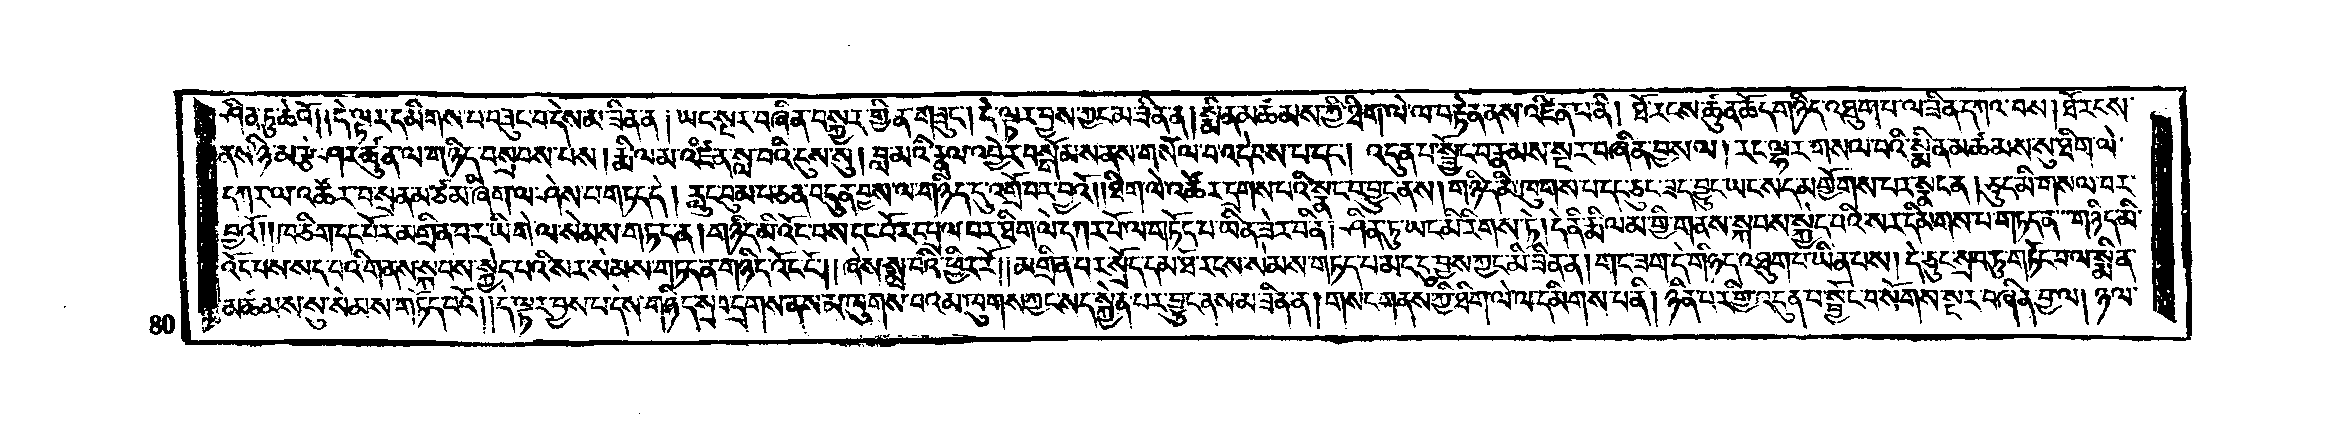ཤིན་ཏུ་ཆེའོ། །དེ་ལྟར་དམིགས་པ་བཟུང་བ་དེས་མ་ཟིན་ན། ཡང་སྔར་བཞིན་བསྐྱར་གྱིན་གཟུང་། དེ་ལྟར་བྱས་ཀྱང་མ་ཟིན་ན། སྨིན་མཚམས་ཀྱི་ཐིག་ལེ་ལ་བརྟེན་ནས་འཛིན་པ་ནི། ཐོ་རངས་ཚུན་ཆོད་གཉིད་འཐུག་པ་ལ་ཟིན་དཀའ་བས། ཐོ་རངས་
ནས་ཉི་མ་རྩེ་ཤར་ཚུན་ལ་གཉིད་བསྲབས་པས། རྨི་ལམ་འཛིན་སླ་བའི་དུས་སུ། བླ་མའི་རྣལ་འབྱོར་བསྒོམས་ནས་གསོལ་བ་འདེབས་པ་དང་། འདུན་པ་སྦྱོང་བ་རྣམས་སྔར་བཞིན་བྱས་ལ། རང་ལྷར་གསལ་བའི་སྨིན་མཚམས་སུ་ཐིག་ལེ་
དཀར་ལ་འཚེར་བ་སྲན་མ་ཙམ་ཞིག་ལ་ཤེས་པ་གཏད་དེ། རླུང་བུམ་པ་ཅན་བདུན་བྱས་ལ་གཉིད་དུ་འགྲོ་བར་བྱའོ། །ཐིག་ལེ་འཚེར་དྲགས་པའི་སྣང་བ་བྱུང་ནས། གཉིད་མི་ཁུགས་པ་དང་ཅུང་ཟད་བྱུང་ཡང་སད་མགྱོགས་པར་སྣང་ན། ཅུང་མི་གསལ་བར་
བྱའོ། །ཁ་ཅིག་དང་པོར་མགྲིན་པར་ཡི་གེ་ལ་སེམས་གཏད་ན། གཉིད་མི་འོང་བས་དང་པོར་དཔྲལ་བར་ཐིག་ལེ་དཀར་པོ་ལ་གཏོད་པ་ཡིན་ཟེར་བ་ནི། ཤིན་ཏུ་ཡང་མི་རིགས་ཏེ། དེ་ནི་རྨི་ལམ་གྱི་གནས་སྐབས་སྐྱེད་པའི་སར་དམིགས་པ་གཏད་ན་གཉིད་མི་
འོང་པས་སད་པའི་གནས་སྐབས་སྐྱེད་པའི་སར་སེམས་གཏད་ན་གཉིད་འོང་ངོ། །ཞེས་སྨྲ་བའི་ཕྱིར་རོ། །མགྲིན་པར་སྲོད་དམ་ཐོ་རངས་སེམས་གཏད་པ་མང་དུ་བྱས་ཀྱང་མི་ཟིན་ན། གང་ཟག་དེ་གཉིད་འཐུག་པ་ཡིན་པས། དེ་ཅུང་སྲབ་ཏུ་གཏོང་བ་ལ་སྨིན་
མཚམས་སུ་སེམས་གཏོད་པའོ། །དེ་ལྟར་བྱས་པ་དེས་གཉིད་སྲབ་དྲགས་ནས་མ་ཁུགས་པའམ་ཁུགས་ཀྱང་སད་སྐྱེན་པར་བྱུང་ནས་མ་ཟིན་ན། གསང་གནས་ཀྱི་ཐིག་ལེ་ལ་དམིགས་པ་ནི། ཉིན་པར་གྱི་འདུན་པ་སྦྱོང་བ་སོགས་སྔར་བཞིན་བྱ་ལ། ཉལ་